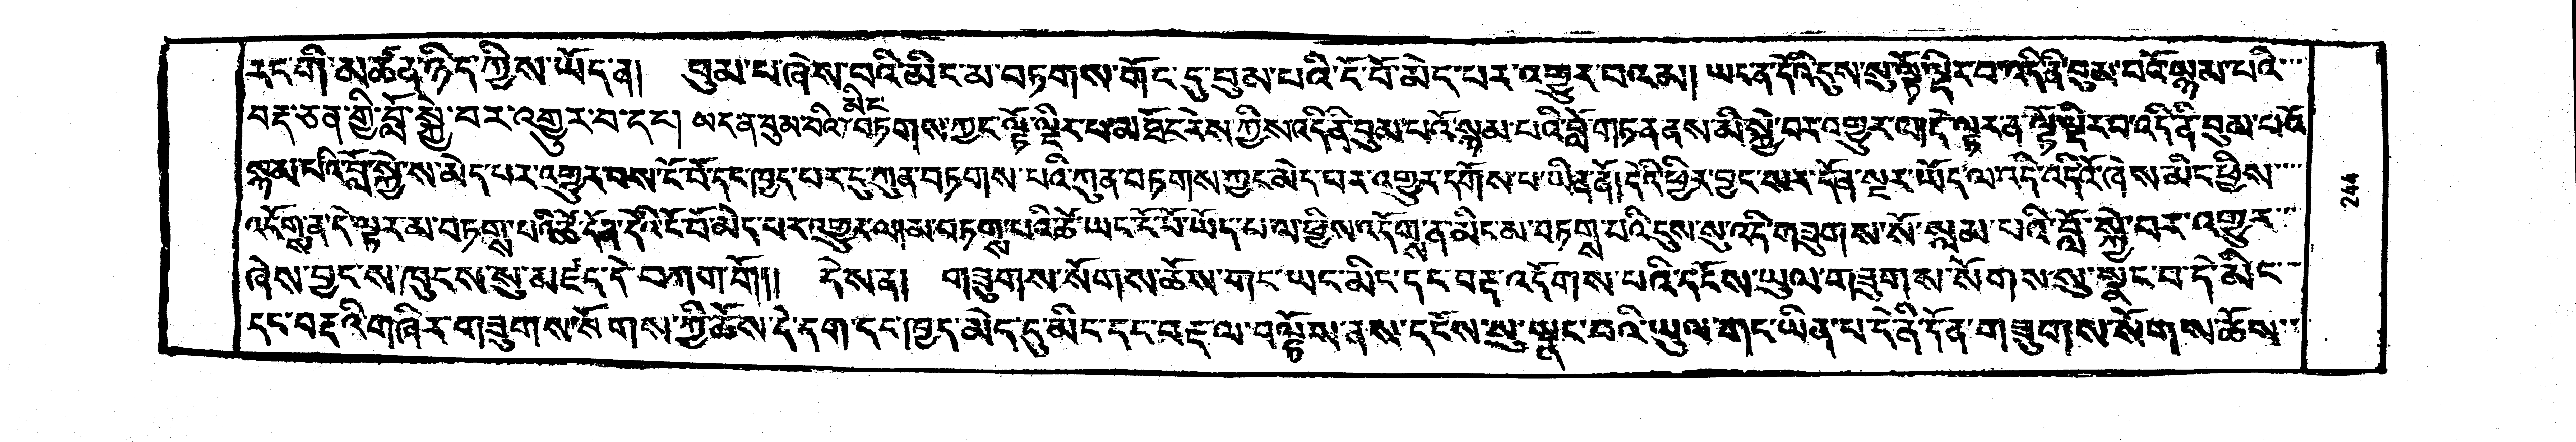རང་གི་མཚན་ཉིད་ཀྱིས་ཡོད་ན། བུམ་པ་ཞེས་པའི་མིང་མ་བཏགས་གོང་དུ་བུམ་པའི་ངོ་བོ་མེད་པར་འགྱུར་བའམ། ཡང་ན་དོའི་དུས་སུ་ལྟོ་སྡིར་བ་འདི་ནི་བུམ་པའོ་སྙམ་པའི་
བརྡ་ཅན་གྱི་བློ་སྐྱེ་བར་འགྱུར་བ་དང་། ཡང་ན་བུམ་པའི་མིང་བཏགས་ཀྱང་ལྟོ་ལྡིར་པ་མཐོང་རེས་ཀྱིས་འདི་ནི་བུམ་པའོ་སྙམ་པའི་བློ་གཏན་ནས་མི་སྐྱེ་བར་འགྱུར་ལ། དེ་ལྟར་ན་ལྟོ་ལྡིར་བ་འདི་ནི་བུམ་པའོ་
སྙམ་པའི་བློ་སྐྱེ་ས་མེད་པར་འགྱུར་བས་ངོ་བོ་དང་ཁྱད་པར་དུ་ཀུན་བཏགས་པའི་ཀུན་བཏགས་ཀྱང་མེད་པར་འགྱུར་དགོས་པ་ཡིན་ནོ། དེའི་ཕྱིར་བྱང་སར་དོན་སྔར་ཡོད་ལ་འདི་འདིའོ་ཞེས་མིང་ཕྱིས་
འདོགས་ན་དེ་ལྟར་མ་བཏགས་པའི་ཚེ་དོན་དེའི་ངོ་བོ་མེད་པར་འགྱུར་ལ། མ་བཏགས་པའི་ཚེ་ཡང་ངོ་བོ་ཡོད་པ་ལ་ཕྱིས་འདོགས་ན་མིང་མ་བཏགས་པའི་དུས་སུ་འདི་གཟུགས་སོ་སྙམ་པའི་བློ་སྐྱེ་བར་འགྱུར་
ཞེས་བྱང་ས་ཁུངས་སུ་མཛད་དེ་བཀག་གོ། །དེས་ན། གཟུགས་སོགས་ཆོས་གང་ཡང་མིང་དང་བརྡ་འདོགས་པའི་དངོས་ཡུལ་གཟུགས་སོགས་སུ་སྣང་བ་དེ་མིང་
དང་བརྡའི་གཞིར་གཟུགས་སོགས་ཀྱི་ཆོས་དེ་དག་དང་ཁྱད་མེད་དུ་མིང་དང་བརྡ་ལ་བལྟོས་ནས་དངོས་སུ་སྣང་བའི་ཡུལ་གང་ཡིན་པ་དེ་ནི་དོན་གཟུགས་སོགས་ཆོས་